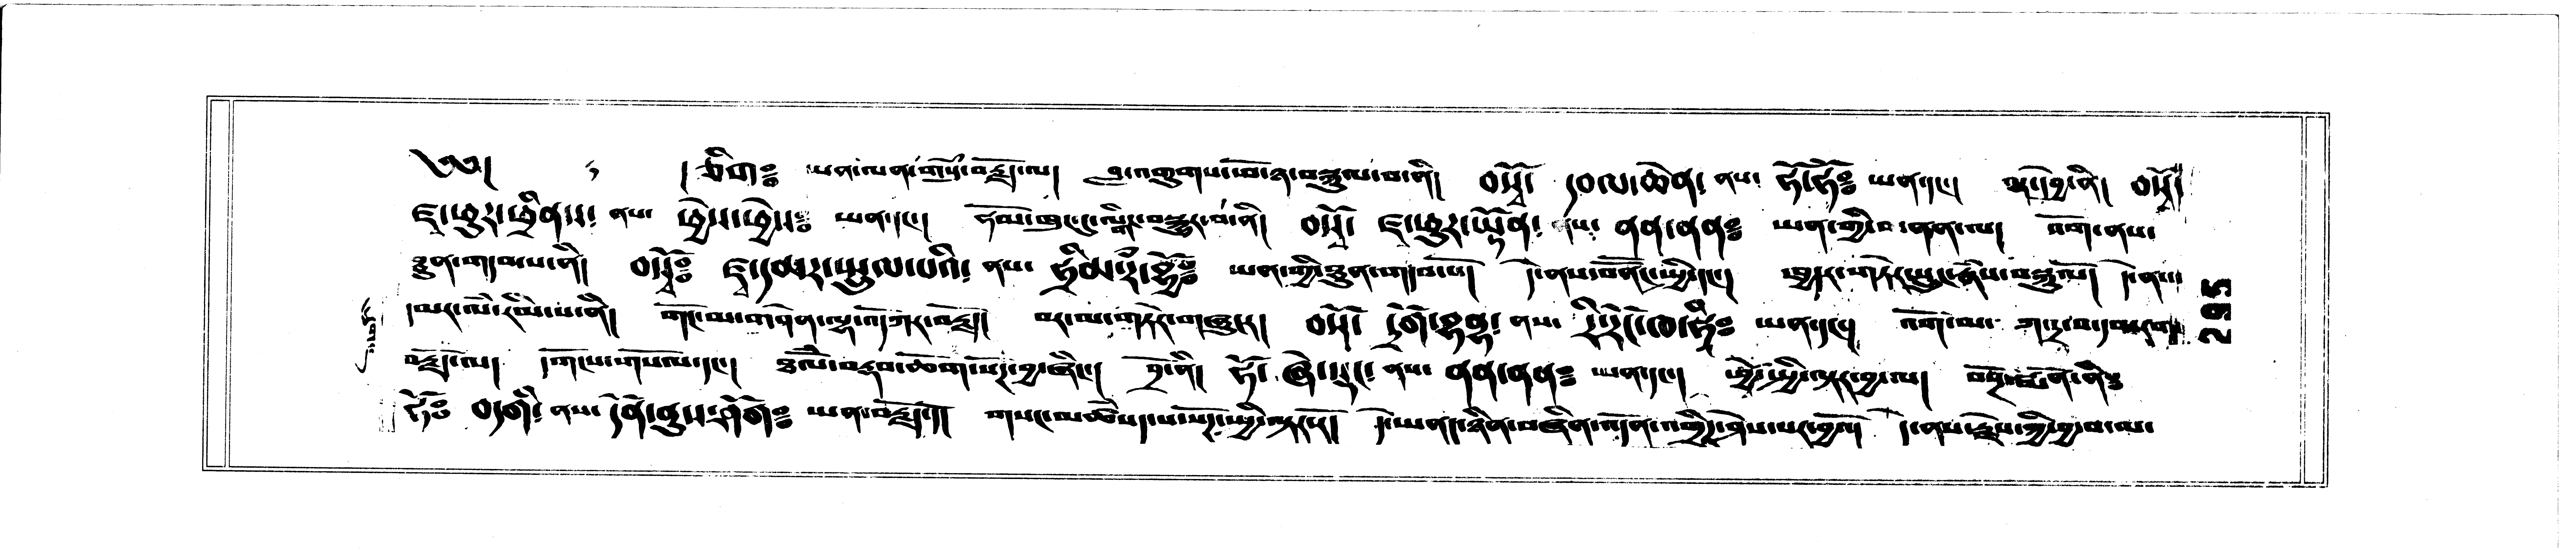ཅིགཿ ཡན་ལན་གསུམ་བརྗོད་ལ། བླ་འགུགས་ཕོ་ཉ་བསྐུལ་བ་ནི། བསྭོ་དབལ་ཆེན་ནས་ཧོ་ཧོ། ཡན་དང་། ལྷ་དབྱེ་ནི། བསྭོ་
ཛྭོ་ཕུར་འཕྲིན་ལས་ནས་ཕྱེས་ཕྱེསཿ ཡན་དང་། ཧོམ་ཁུང་ལིངྒ་བསྐྱུར་བ་ནི། བསྭོ། ཛྭ་ཕུར་ཡོན་ཏན་ནས་ནན་ནནཿ ཡན་གྱིས་མནན་ལ། འོག་ནས་
ཐུན་གདམས་ནི། བསྭོཿ ཛྭོ་དམར་སྤྲུལ་པའི་ནས་ཧྲིམ་རཾ་བྷྱོཿ ཡན་གྱི་ཐུན་གདབ་བོཿ དེ་ནས་བོན་སྐྱོང་སྤྱི་དང་། ཁྱད་པར་གཏེར་སྲུང་རྣམས་བསྐུལ་ལོ། དེ་ནས་
དམར་ལམ་རིམ་པ་ནི། གོང་མ་གཤེན་ལྷ་འོད་དཀར་བརྗོད། བར་མ་གཏེར་གཞུང་ལྟར། བསྭོ་དྲག་པོ་བྷན་དྷ་ནས་རི་རང་ཁ་ཧིཿ ཡན་ཆད་དང་། འོག་མ་ཀ་དྲ་བ་དམར་ནག་
བརྗོད་ལ་དགོངས་གསོལ་དང་། ཐལ་མོ་བརྡབ་ཆོག་སོགས་བྱ་ཞིང་། བྲོ་ནི། ཧོ། ཞེ་སྡང་གནས་ནས་ནན་ནནཿ ཡན་དང་། ཕྱ་ཚེ་སྤྱི་ལྟར་བྱ་ལ། བསྔོ་སྨོན་ནི།
 ཧོ། བདག་གི་ནས་དོན་ནུས་ཤོགཿ ཡན་བརྗོད་དོཿ གསང་མཚམས་བཅད་པ་སོགས་སྤྱི་ལྟར་རོ། དེ་ཡན་ཆད་ཉིན་བཞིན་འདོན་འགྲིག་ཤེས་པར་བྱའོ། དེ་ནས་རྗེས་ཀྱི་བྱ་བ་ལ།